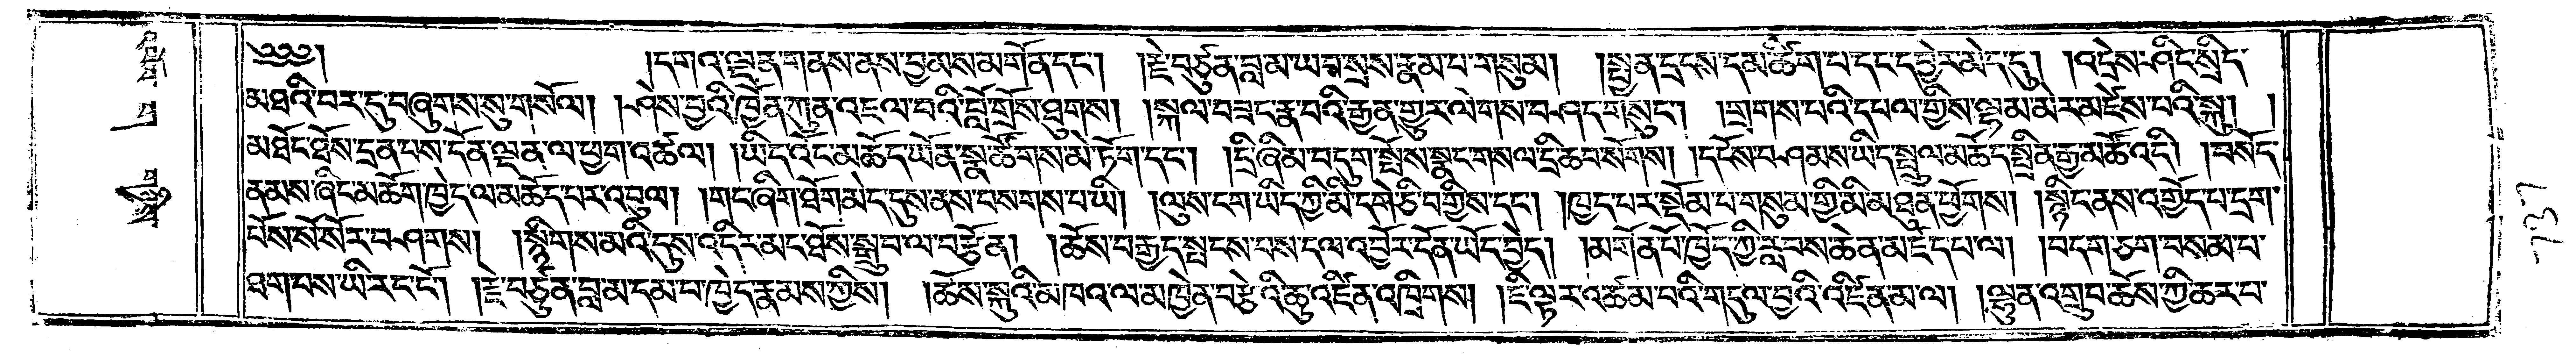༄༅༅། །དགའ་ལྡན་གནས་ནས་བྱམས་མགོན་དང་། །རྗེ་བཙུན་བླ་མ་ཡབ་སྲས་རྣམ་པ་གསུམ། །སྤྱན་དྲངས་དམ་ཚིག་པ་དང་དབྱེར་མེད་དུ། །འདྲེས་ཤིང་སྲིད་
མཐའི་བར་དུ་བཞུགས་སུ་གསོལ། །ཤེས་བྱའི་ཁྱོན་ཀུན་འཇལ་བའི་བློ་གྲོས་ཐུགས། །སྐལ་བཟང་རྣ་བའི་རྒྱན་གྱུར་ལེགས་བཤད་གསུང་། །གྲགས་པའི་དཔལ་གྱིས་ལྷ་མ་མེར་མཛེས་པའི་སྐུ། །
མཐོང་ཐོས་དྲན་པས་དོན་ལྡན་ལ་ཕྱག་འཚལ། །ཡིད་འོང་མཆོད་ཡོན་སྣ་ཚོགས་མེ་ཏོག་དང་། །དྲི་ཞིམ་བདུག་སྦོས་སྣང་གསལ་དྲི་ཆབ་སོགས། །དངོས་བཤམས་ཡིད་སྦྲུལ་མཆོད་སྦྲིན་རྒྱ་མཚོ་འདི། །བསད་
ནམས་ཞིང་མཆོག་ཁྱེད་ལ་མཆོད་པར་འབུལ། །གང་ཞིག་ཐོག་མེད་དུས་ནས་བསགས་པ་ཡི། །ལུས་ངག་ཡིད་ཀྱི་མི་དགེ་ཅི་བགྱིས་དང་། །ཁྱད་པར་སྡོམ་པ་གསུམ་གྱི་མི་མཐུན་ཕྱོགས། །སྙིང་ནས་འགྱོད་པ་དྲག་
པོས་སོ་སོར་བཤགས། །སྙིངས་མའི་དུས་འདིར་མང་ཐོས་སྒྲུབ་ལ་བརྩོན། །ཆོས་བརྒྱད་སྤངས་པས་དལ་འབྱོར་དོན་ཡོད་བྱེད། །མགོན་པོ་ཁྱོད་ཀྱི་རླབས་ཆེན་མཛད་པ་ལ། །བདག་ཅག་བསམ་པ་
ཐག་པས་ཡི་རང་ངོ། །རྗེ་བཙུན་བླ་མ་དམ་པ་ཁྱེད་རྣམས་ཀྱིས། །ཆོས་སྐུའི་མཁའི་ལ་མཁྱེན་བརྩེའི་ཆུ་འཛིན་འཁྲིགས། །ཇི་ལྟར་འཚམ་པའི་གདུལ་བྱའི་འཛིན་མ་ལ། །ལྷུན་འགྲུབ་ཆོས་ཀྱི་ཆར་བ་